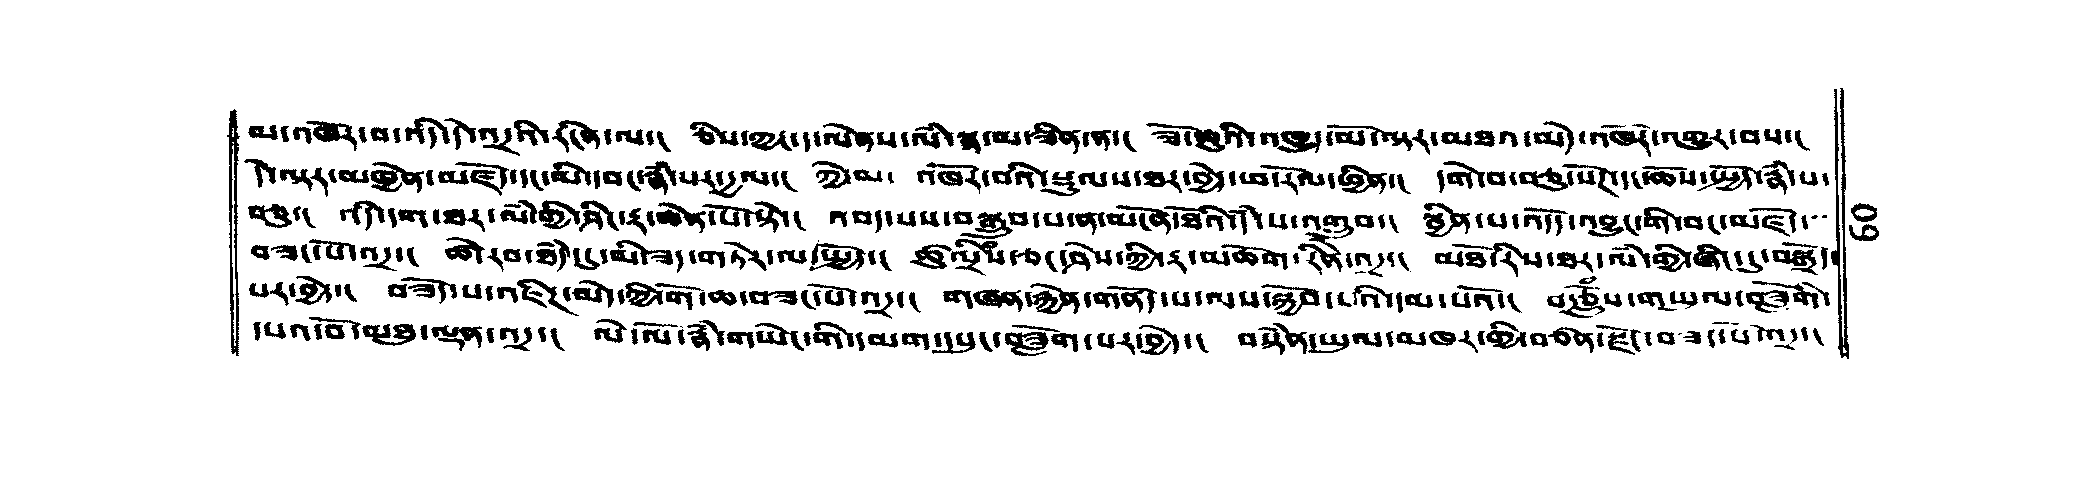མ་འཁོར་བ་འདི་འདྲའི་རང་བཞིན་ལ། །ཅིས་ཀྱང་ད་ལེན་ནས་ལམ་སྣ་མ་ཟིན་ན། །ཟོ་ཆུའི་འཁྱུད་མོ་ལྟར་མཐའ་མེད་འཁོར་འགྱུར་བས། །
དེ་ལྟར་མཁྱེན་མཛོད་དང་མི་དབང་རྣམ་པར་རྒྱལ། ཀྱེ་མ། འཁོར་བའི་སྡུག་བསྔལ་ལས་ཐར་བྱེད་ཕ་རོལ་ཕྱིན། །དགེ་བ་བཅུ་སོགས་དང་ཆོས་སྤྱོད་རྣམ་པ་
བཅུ། །འདི་དག་ཐར་ལམ་གྱི་ཤིང་རྟ་ཆེན་པོ་སྟེ། །འབད་པས་བསྒྲུབ་པ་ན་མངོན་མཐོའི་དམ་པ་འགྲུབ། །སྦྱིན་པ་འདོད་འབྱུང་གི་བང་མཛོད་
བཟང་པོ་འདྲ། །ཚུལ་ཁྲིམས་ཅང་ཤེས་ཀྱི་རྟ་མཆོག་རིན་ཆེན་འདྲ། །མཐོ་རིས་ཐར་ལམ་གྱི་ཞིང་དུ་བསྒྲོད་
པར་བྱེད། །བཟོད་པ་འཇིགས་མེད་ཀྱི་གོ་ཆ་བཟང་པོ་འདྲ། །གཞན་རྐྱེན་གནཽད་པ་ལས་སྐྱོབ་པའི་དམ་པའོ། །བརྩོན་འགྲུས་གཡུལ་བཟློག་གི་
དཔའ་བོ་མཐུ་ལྡན་འདྲ། །ལེ་ལོ་རྣམ་གཡེང་གི་དམག་དཔུང་བཟློག་པར་བྱེད། །བསམ་གཏན་ཡུལ་མཁར་གྱི་བཙན་རྫོང་བཟང་པོ་འདྲ། །